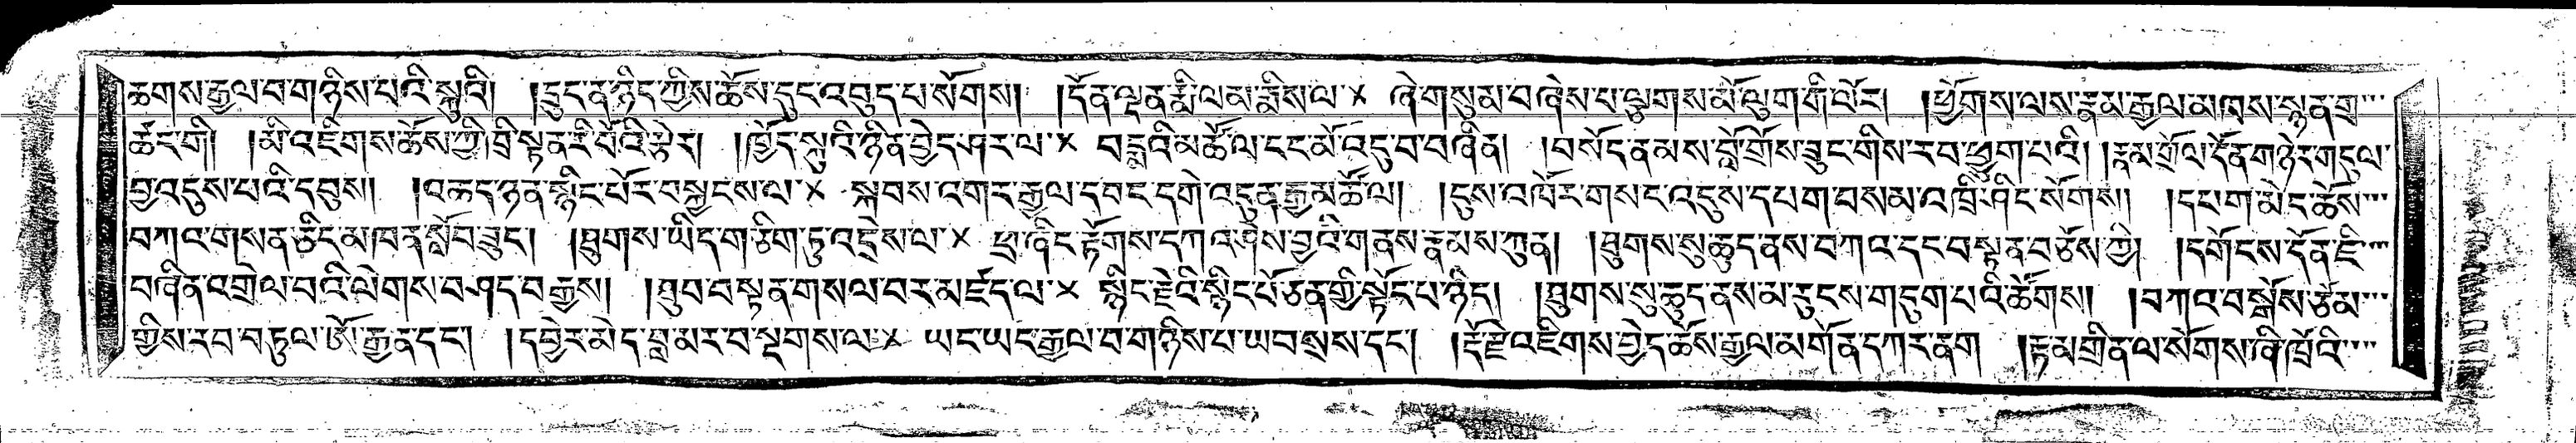ཆགས་རྒྱལ་བ་གཉིས་པའི་སྐུའི། །དྲུང་ན་ཉིད་ཀྱིས་ཆོས་དུང་འབུད་པ་སོགས། །དོན་ལྡན་རྨི་ལམ་རྨིས་ལ་{྾}་ཞེ་གསུམ་བཞེས་པ་ལྕགས་མོ་ལུག་གི་ལོར། །ཕྱོགས་ལས་རྣམ་རྒྱལ་མཁས་སྙན་གྲ་
ཚང་གི། །མི་འཇིགས་ཆོས་ཀྱི་ཁྲི་སྟན་རི་པོའི་རྩེར། །ཁྱོད་སྐུའི་ཉིན་བྱེད་ཤར་ལ་{྾}་པདམའི་མཚོ་ལ་ངང་མོ་འདུ་བ་བཞིན། །བསོད་ནམས་བློ་གྲོས་ཟུང་གིས་རབ་ཕྱུག་པའི། །རྣམ་གྲོལ་དོན་གཉེར་གདུལ་
བྱ་འདུས་པའི་དབུས། །འཆད་ཉན་སྙིང་པོར་བསྐྱངས་ལ་{྾}་སྐབས་འགར་རྒྱལ་དབང་དགེ་འདུན་རྒྱ་མཚོ་ལ། །དུས་འཁོར་གསང་འདུས་དཔག་བསམ་འཁྲི་ཤིང་སོགས། །དཔག་མེད་ཆོས་
བཀའ་གསན་ཅིང་མཁན་སློབ་ཟུང་། །ཐུགས་ཡིད་གཅིག་ཏུ་འདྲེས་ལ་{྾}་ཕྲ་ཞིང་རྟོགས་དཀའ་ཤེས་བྱའི་གནས་རྣམས་ཀུན། །ཐུགས་སུ་ཆུད་ནས་བཀའ་དང་བསྟན་བཅོས་ཀྱི། །དགོངས་དོན་ཇི་
བཞིན་འགྲེལ་བའི་ལེགས་བཤད་བརྒྱས། །ཐུབ་བསྟན་གསལ་བར་མཛད་ལ་{྾}་སྙིང་རྗེའི་སྙིང་པོ་ཅན་གྱི་སྟོང་པ་ཉིད། །ཐུགས་སུ་ཆུང་ནས་མ་རུངས་གདུག་པའི་ཚོགས། །བཀའ་བསྒོས་ཙམ་
གྱིས་རབ་བཏུལ་ཨོ་རྒྱན་དང་། །དབྱེར་མེད་བླ་མར་བ་སྔགས་ལ་{྾}་ཡང་ཡང་རྒྱལ་བ་གཉིས་པ་ཡབ་སྲས་དང་། །རྡོ་རྗེ་འཇིགས་བྱེད་ཆོས་རྒྱལ་མགོན་དཀར་ནག །རྟ་མགྲིན་ལ་སོགས་ཞི་ཁྲོའི་